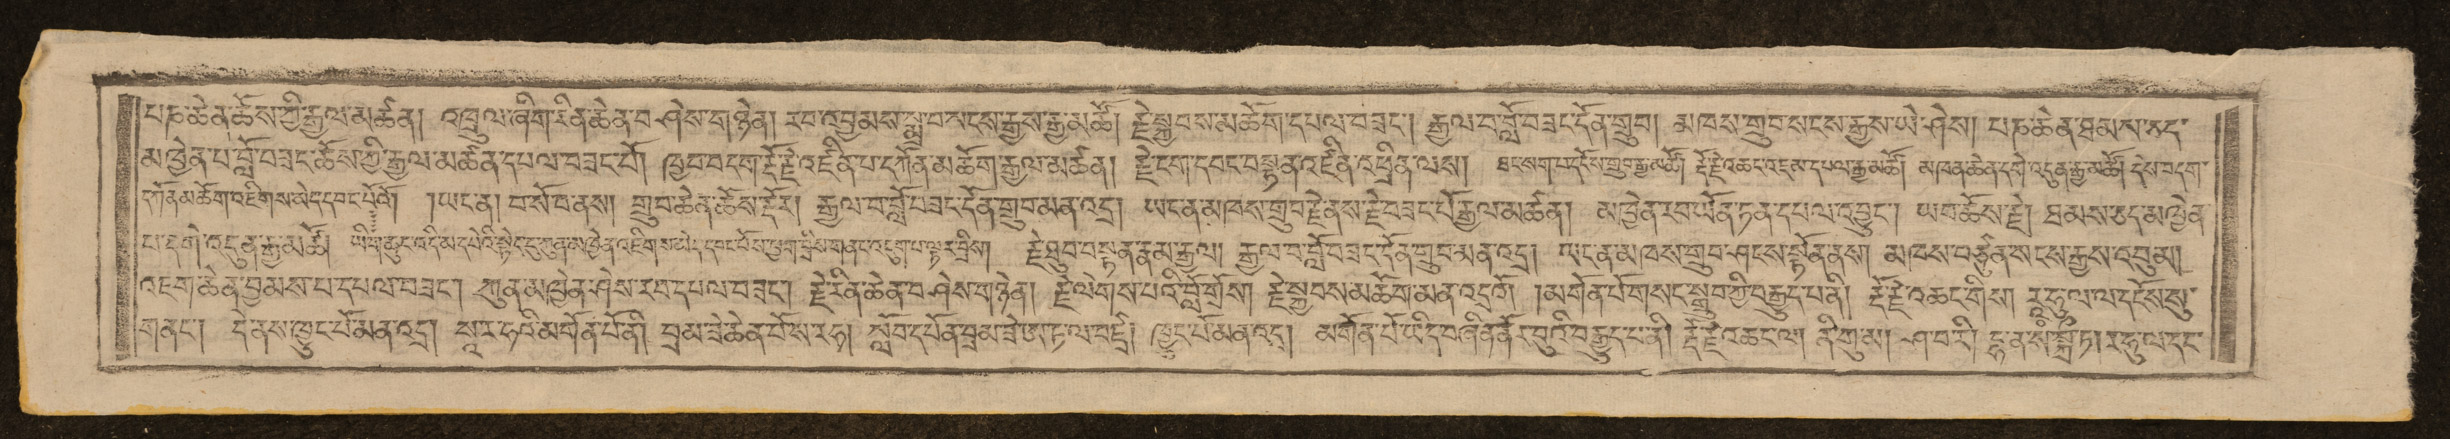པཎ་ཆེན་ཆོས་ཀྱི་རྒྱལ་མཚན། འཁྲུལ་ཞིག་རིན་ཆེན་བཤེས་གཉེན། རབ་འབྱམས་སྨྲ་བ་སངས་རྒྱས་རྒྱ་མཚོ། རྗེ་སྐྱབས་མཆོག་དཔལ་བཟང་། རྒྱལ་བ་བློ་བཟང་དོན་གྲུབ། མཁས་གྲུབ་སངས་རྒྱས་ཡེ་ཤེས། པཎ་ཆེན་ཐམས་ཅད་
མཁྱེན་པ་བློ་བཟང་ཆོས་ཀྱི་རྒྱལ་མཚན་དཔལ་བཟང་པོ། ཁྱབ་བདག་རྡོ་རྗེ་འཛིན་པ་དཀོན་མཆོག་རྒྱལ་མཚན། རྗེ་ངག་དབང་བསྟན་འཛིན་འཕྲིན་ལས། ཐང་སག་པ་དངོས་གྲུབ་རྒྱ་མཚོ། རྡོ་རྗེ་འཆང་འཇམ་དཔལ་རྒྱ་མཚོ། མཁན་ཆེན་དགེ་འདུན་རྒྱ་མཚོ། དེས་བདག་
དཀོན་མཆོག་འཇིགས་སེད་དབང་པོའོ། །ཡང་ན། བ་སོབ་ནས། གྲུབ་ཆེན་ཆོས་རྡོར། རྒྱལ་བ་བློ་བཟང་དོན་གྲུབ་མན་འདྲ། ཡང་ན་མཁས་གྲུབ་རྗེ་ནས་རྗེ་བཟང་པོ་རྒྱལ་མཚན། མཁྱེན་རབ་ཡོན་ཏན་དཔལ་འབྱུང་། ཡབ་ཆོས་རྗེ། ཐམས་ཅད་མཁྱེན་
པ་དགེ་འདུན་རྒྱ་མཚོ། ཡིག་ཆུང་འདི་མ་དཔེའི་སྟེང་དུ་ཀུན་མཁྱེན་འཇིགས་མེད་དབང་པོས་ཕྱག་དྲིས་གནང་འདུག་པ་ལྟར་བྲིས། རྗེ་ཐུབ་བསྟན་རྣམ་རྒྱལ། རྒྱལ་པ་བློ་བཟང་དོན་གྲུབ་མན་འདྲ། ཡང་ན་མཁས་གྲུབ་ཤངས་སྟོན་ནས། མཁས་བཙུན་སངས་རྒྱས་འབུམ།
འཇག་ཆེན་བྱམས་པ་དཔལ་བཟང་། ཀུན་མཁྱེན་ཤེས་རབ་དཔལ་བཟང་། རྗེ་རིན་ཆེན་བཤེས་གཉེན། རྗེ་ལེགས་པའི་བློ་གྲོས། རྗེ་སྐྱབས་མཆོག་མན་འདྲའོ། །མགོན་པོ་གསང་སྒྲུབ་ཀྱི་བརྒྱུད་པ་ནི། རྡོ་རྗེ་འཆང་གིས། རཱ་ཧུ་ལ་ལ་དངོས་སུ་
གནང་། དེ་ནས་ཁྱུང་པོ་མན་འདྲ། སཱ་ར་ཧའི་མགོན་པོ་ནི། བྲམ་ཟེ་ཆེན་པོ་སརཧ། སློབ་དཔོན་བྲམ་ཟེ་ཨ་ཏ་ལ་བརྫྲ། ཁྱུང་པོ་མན་འདྲ། མགོན་པོ་ཡིད་བཞིན་ནོར་བུའི་བརྒྱུད་པ་ནི། རྡོ་རྗེ་འཆང་ལ། ནི་གུ་མ། ཤ་བ་རི། དྷ་ན་སཾ་སྐྲྀ་ཏ། ར་ཧུ་ལ་དང་